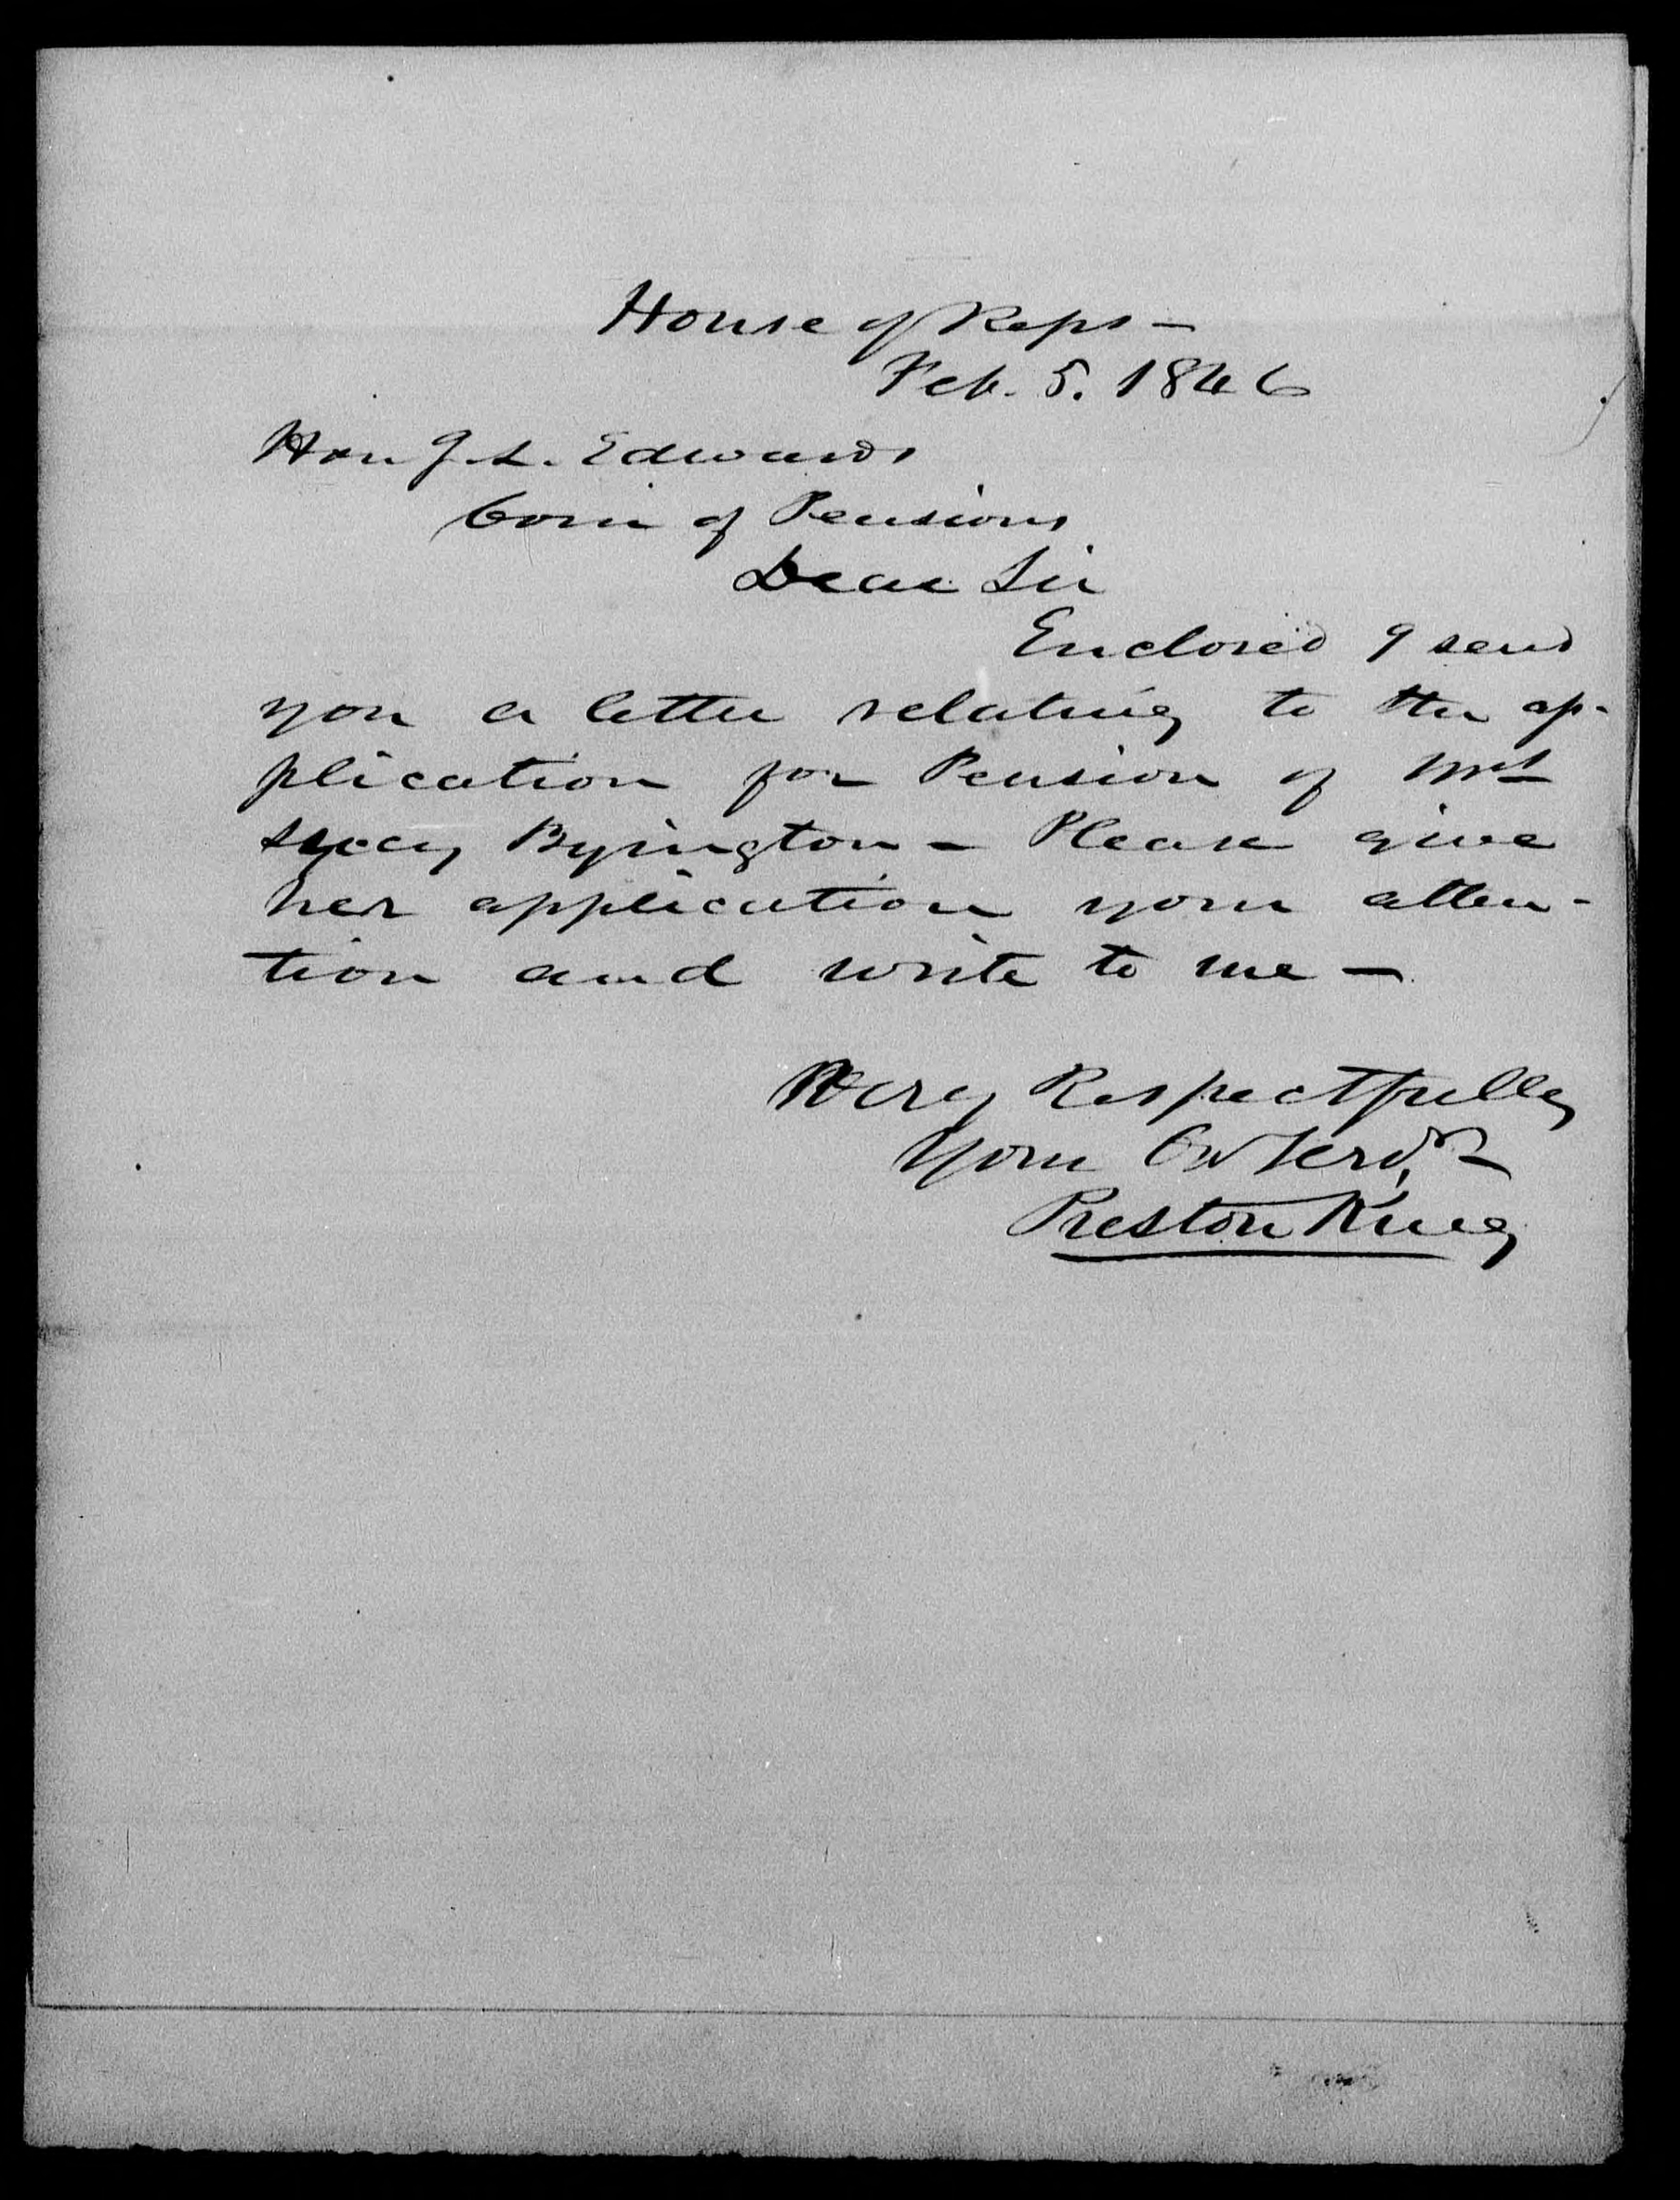House of Reps.
Feb. 5, 1846

Hon. J. L. Edwards
Com of Pensions

Dear Sir
Enclosed I send you a letter relating to the application for pension of Mrs. Lucy Byington-Please give her application your attention and write to me-

Very Respectfully 
Your Obt. Servt.
Preston King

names: Lucy Byington, Preston King, J L Edwards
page: 40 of 79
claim: widow's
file: W. 23754, Justus Byington, Conn.